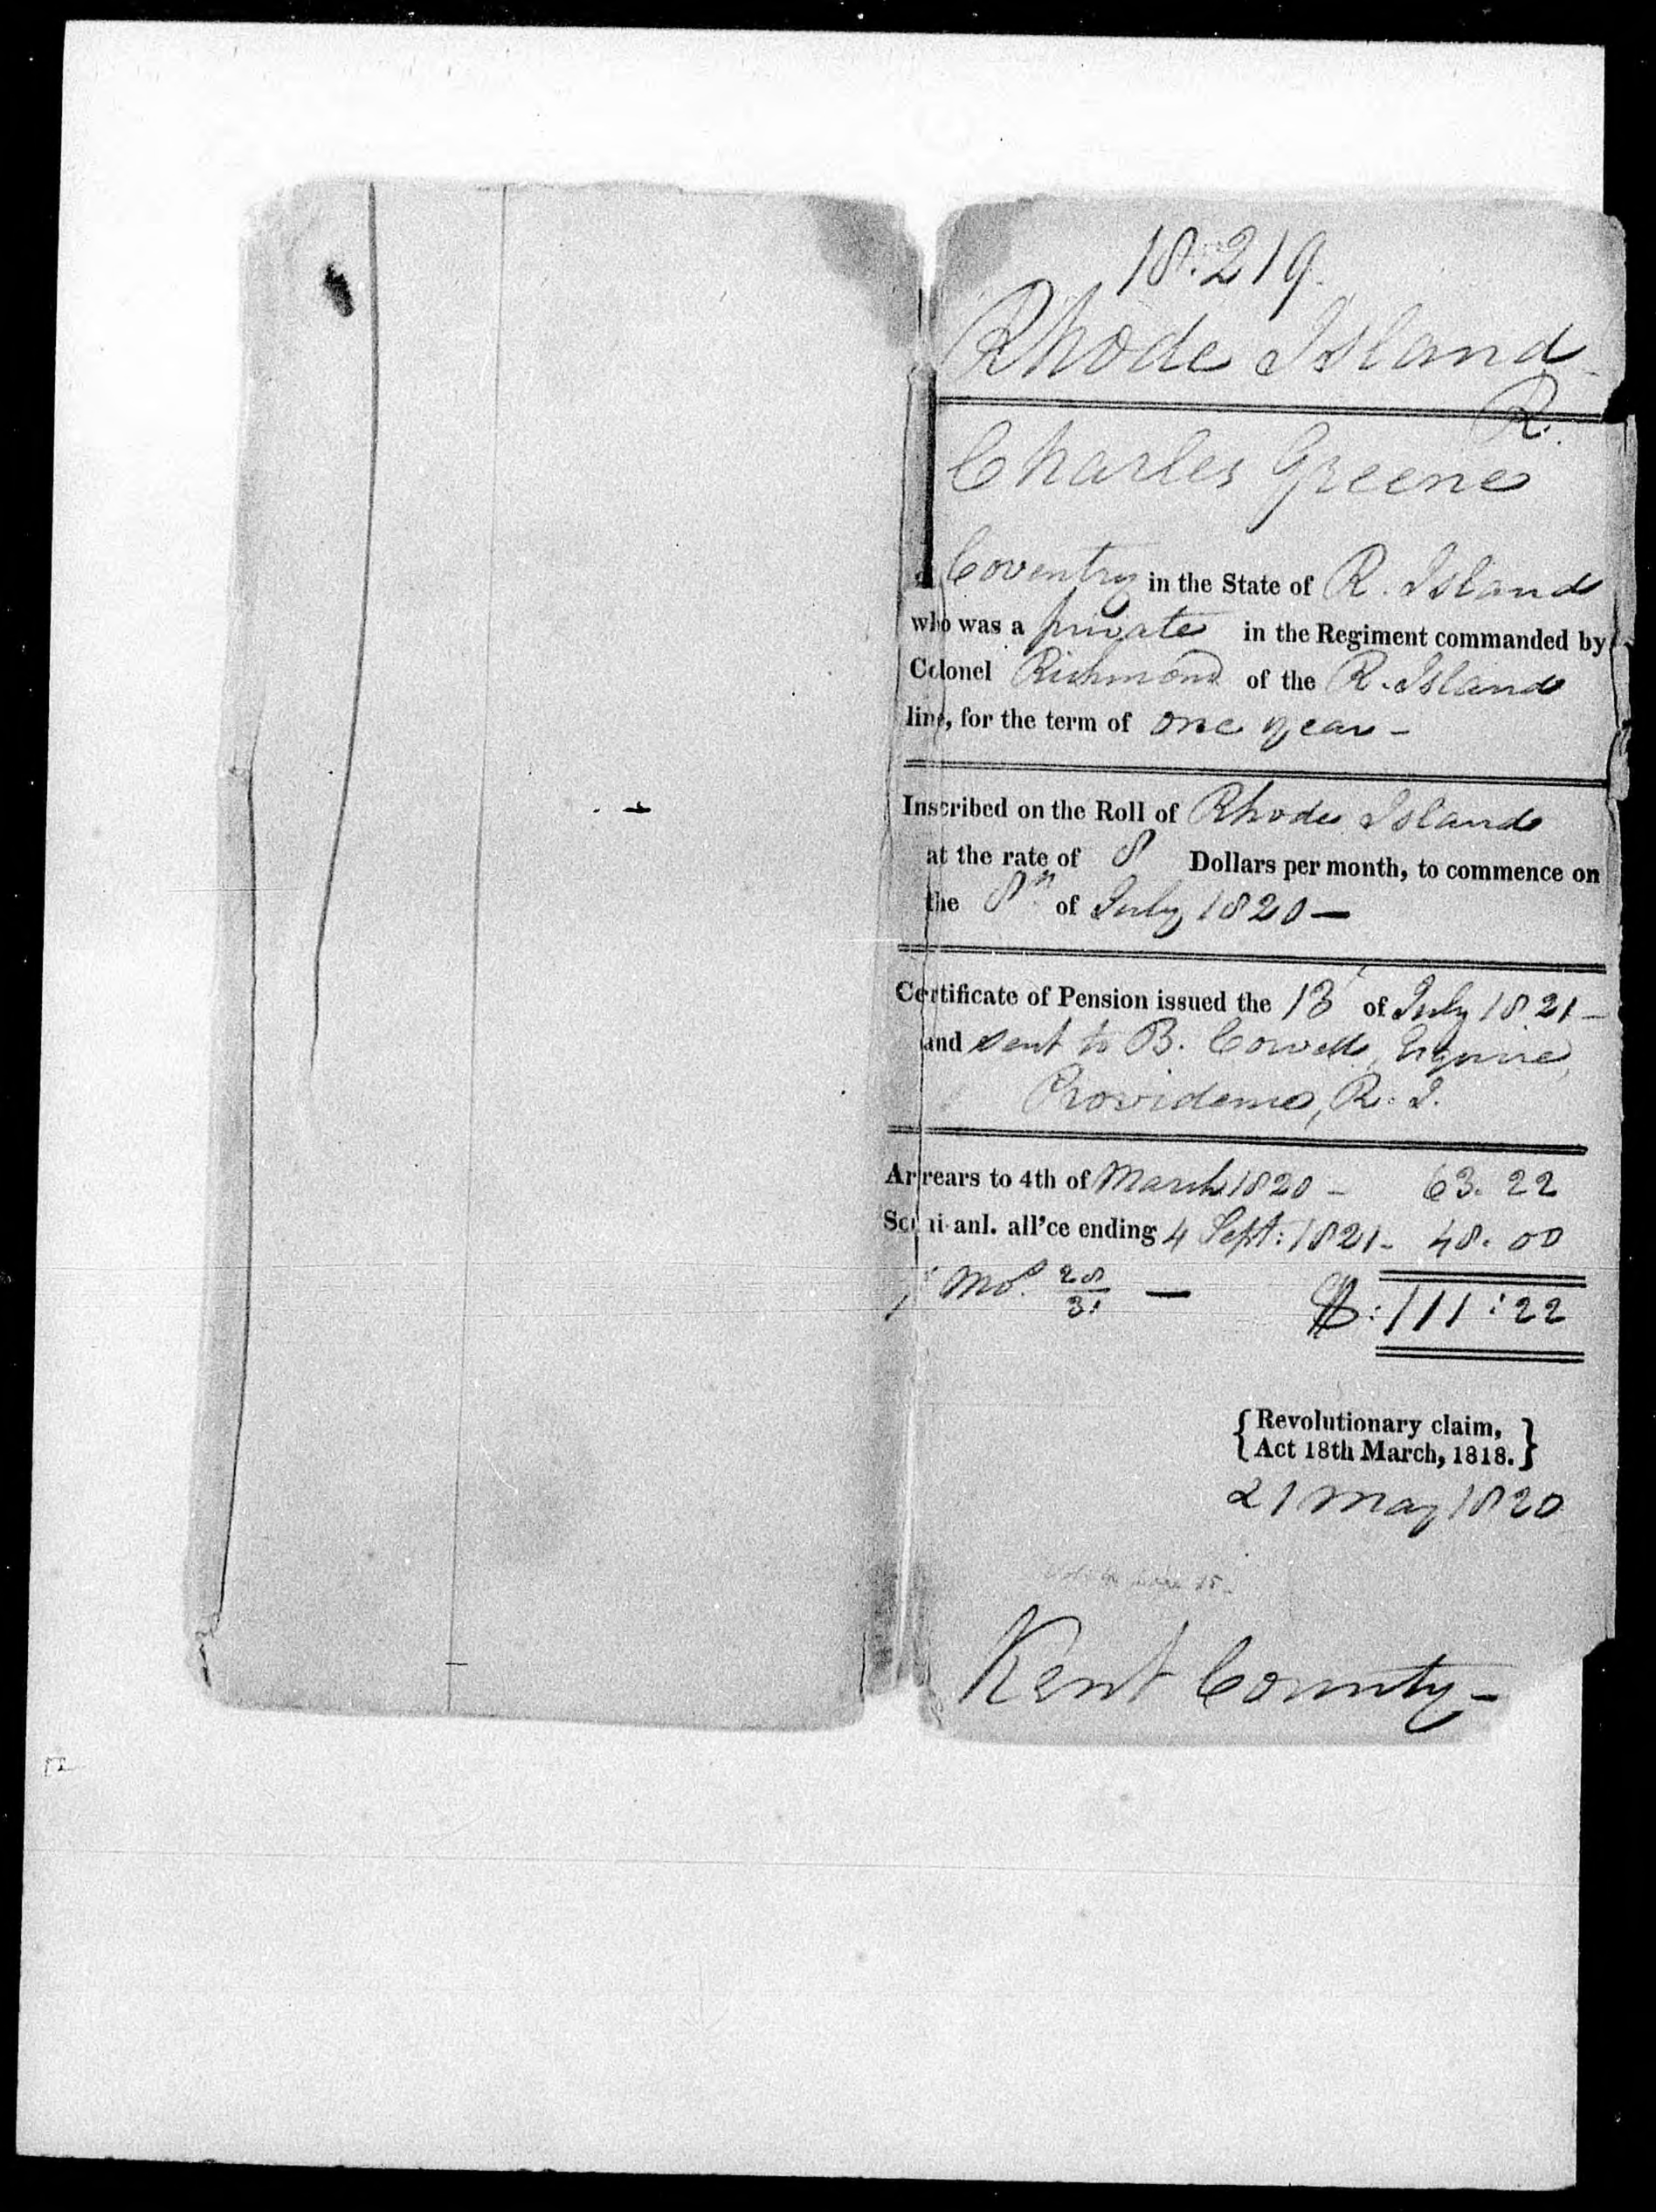Charles Greene
Coventry in the State of R. Island who was a private in the Regiment commanded by Colonel Richmond of the R. Island line, for the term of one year -

Inscribed on the Roll of Rhode Island at the rate of 8 Dollars per month, to commence on the 8th of July 1820 -

Certificate of pension issued the 13th of July 1821 - and sent to B. Cowell, Esquire Providence, R.I.

Arrears to 4th of March 1820 63.22
Semi-anl. all'ce ending 4 Sept 1821 48.00
4 mos 20/31 - $111:22

Revolutionary claim,
Act 18th March, 1818.
21 May 1820

Kent County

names: Charles Greene, Richmond, B Cowell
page: 2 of 20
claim: survivor's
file: S. 38755, Charles Greene, R.I.